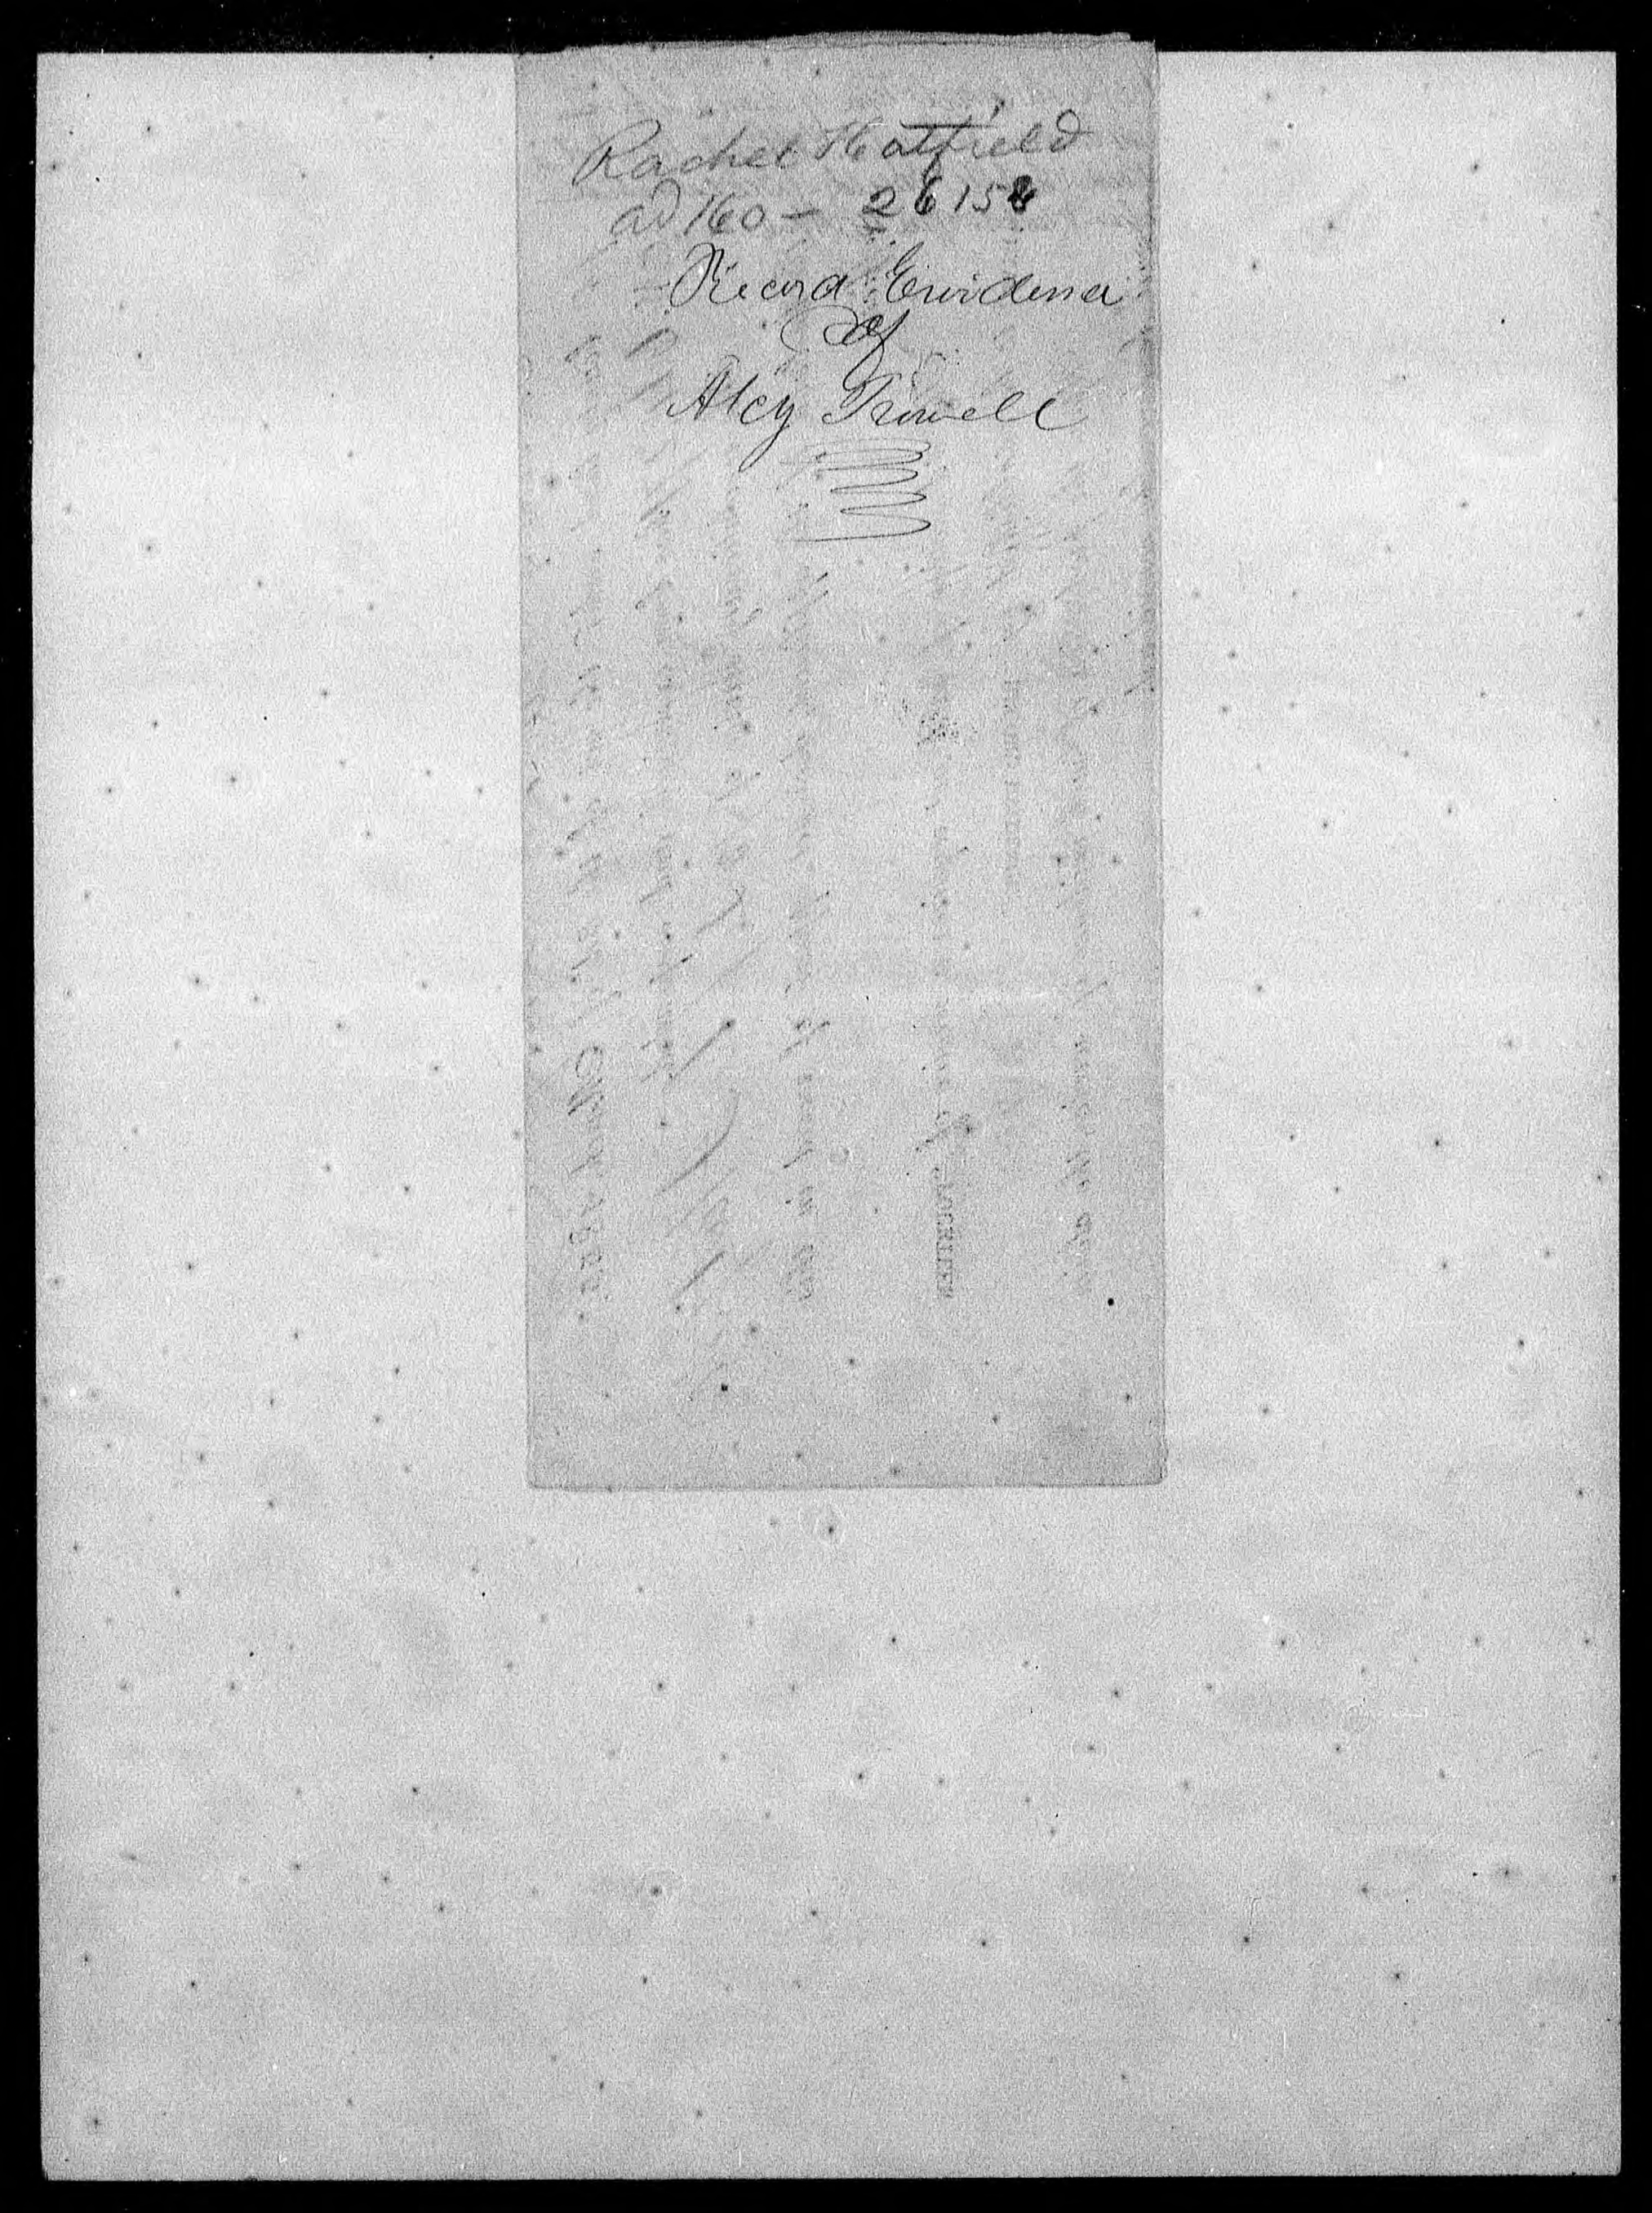Rachel Hatfield
ad 160-2615 &
Record Evidence
of
Alcy Howell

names: Rachel Hatfield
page: 21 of 74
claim: widow's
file: W. 5, Joseph Hatfield, Va.